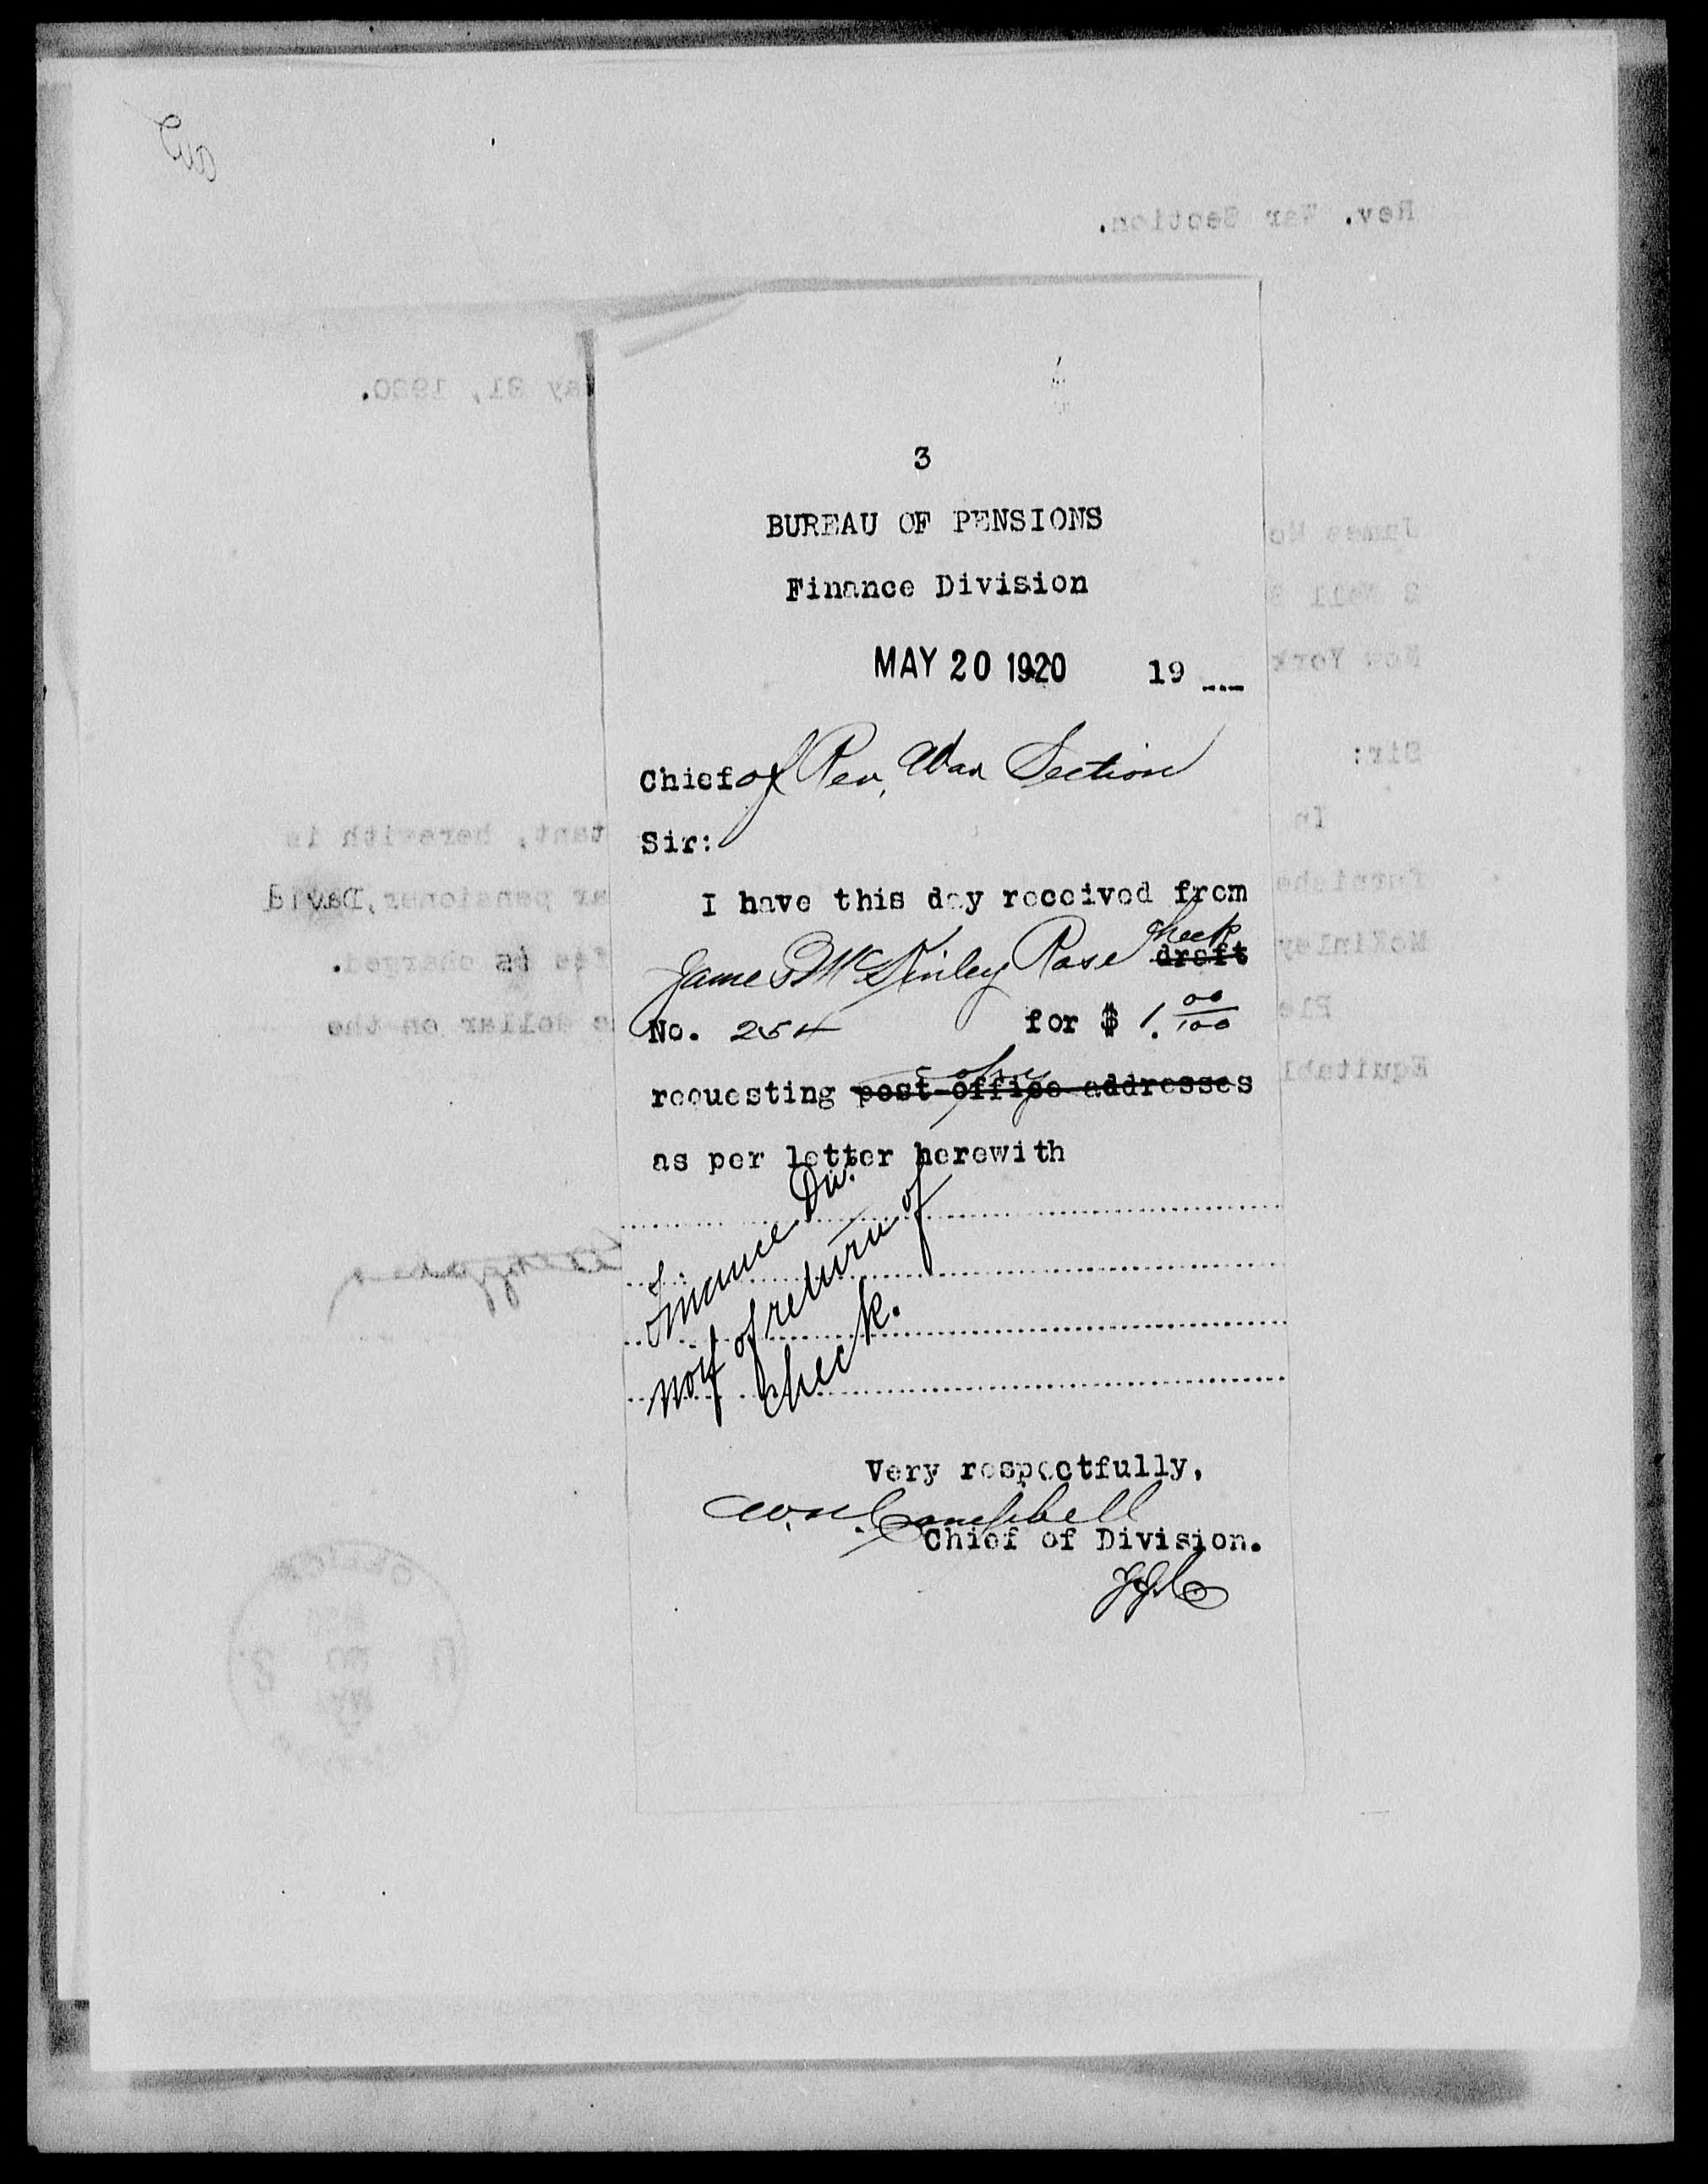3
BUREAU OF PENSIONS
Finance Division
May 20 1920

Chief of Rev. War Section

Sir:
I have this day received from
James McKinley Rose check
No. 254 for $1.00
requesting ['post-office addresses' crossed out] copy
as per letter herewith

Finance Div.
noif[?] of return of
check.

Very respectfully,
A W N[?] Campbell
Chief of Division.

J J C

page: 26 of 39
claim: survivor's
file: S. 2812, for David Mc Kinley, Pennsylvania